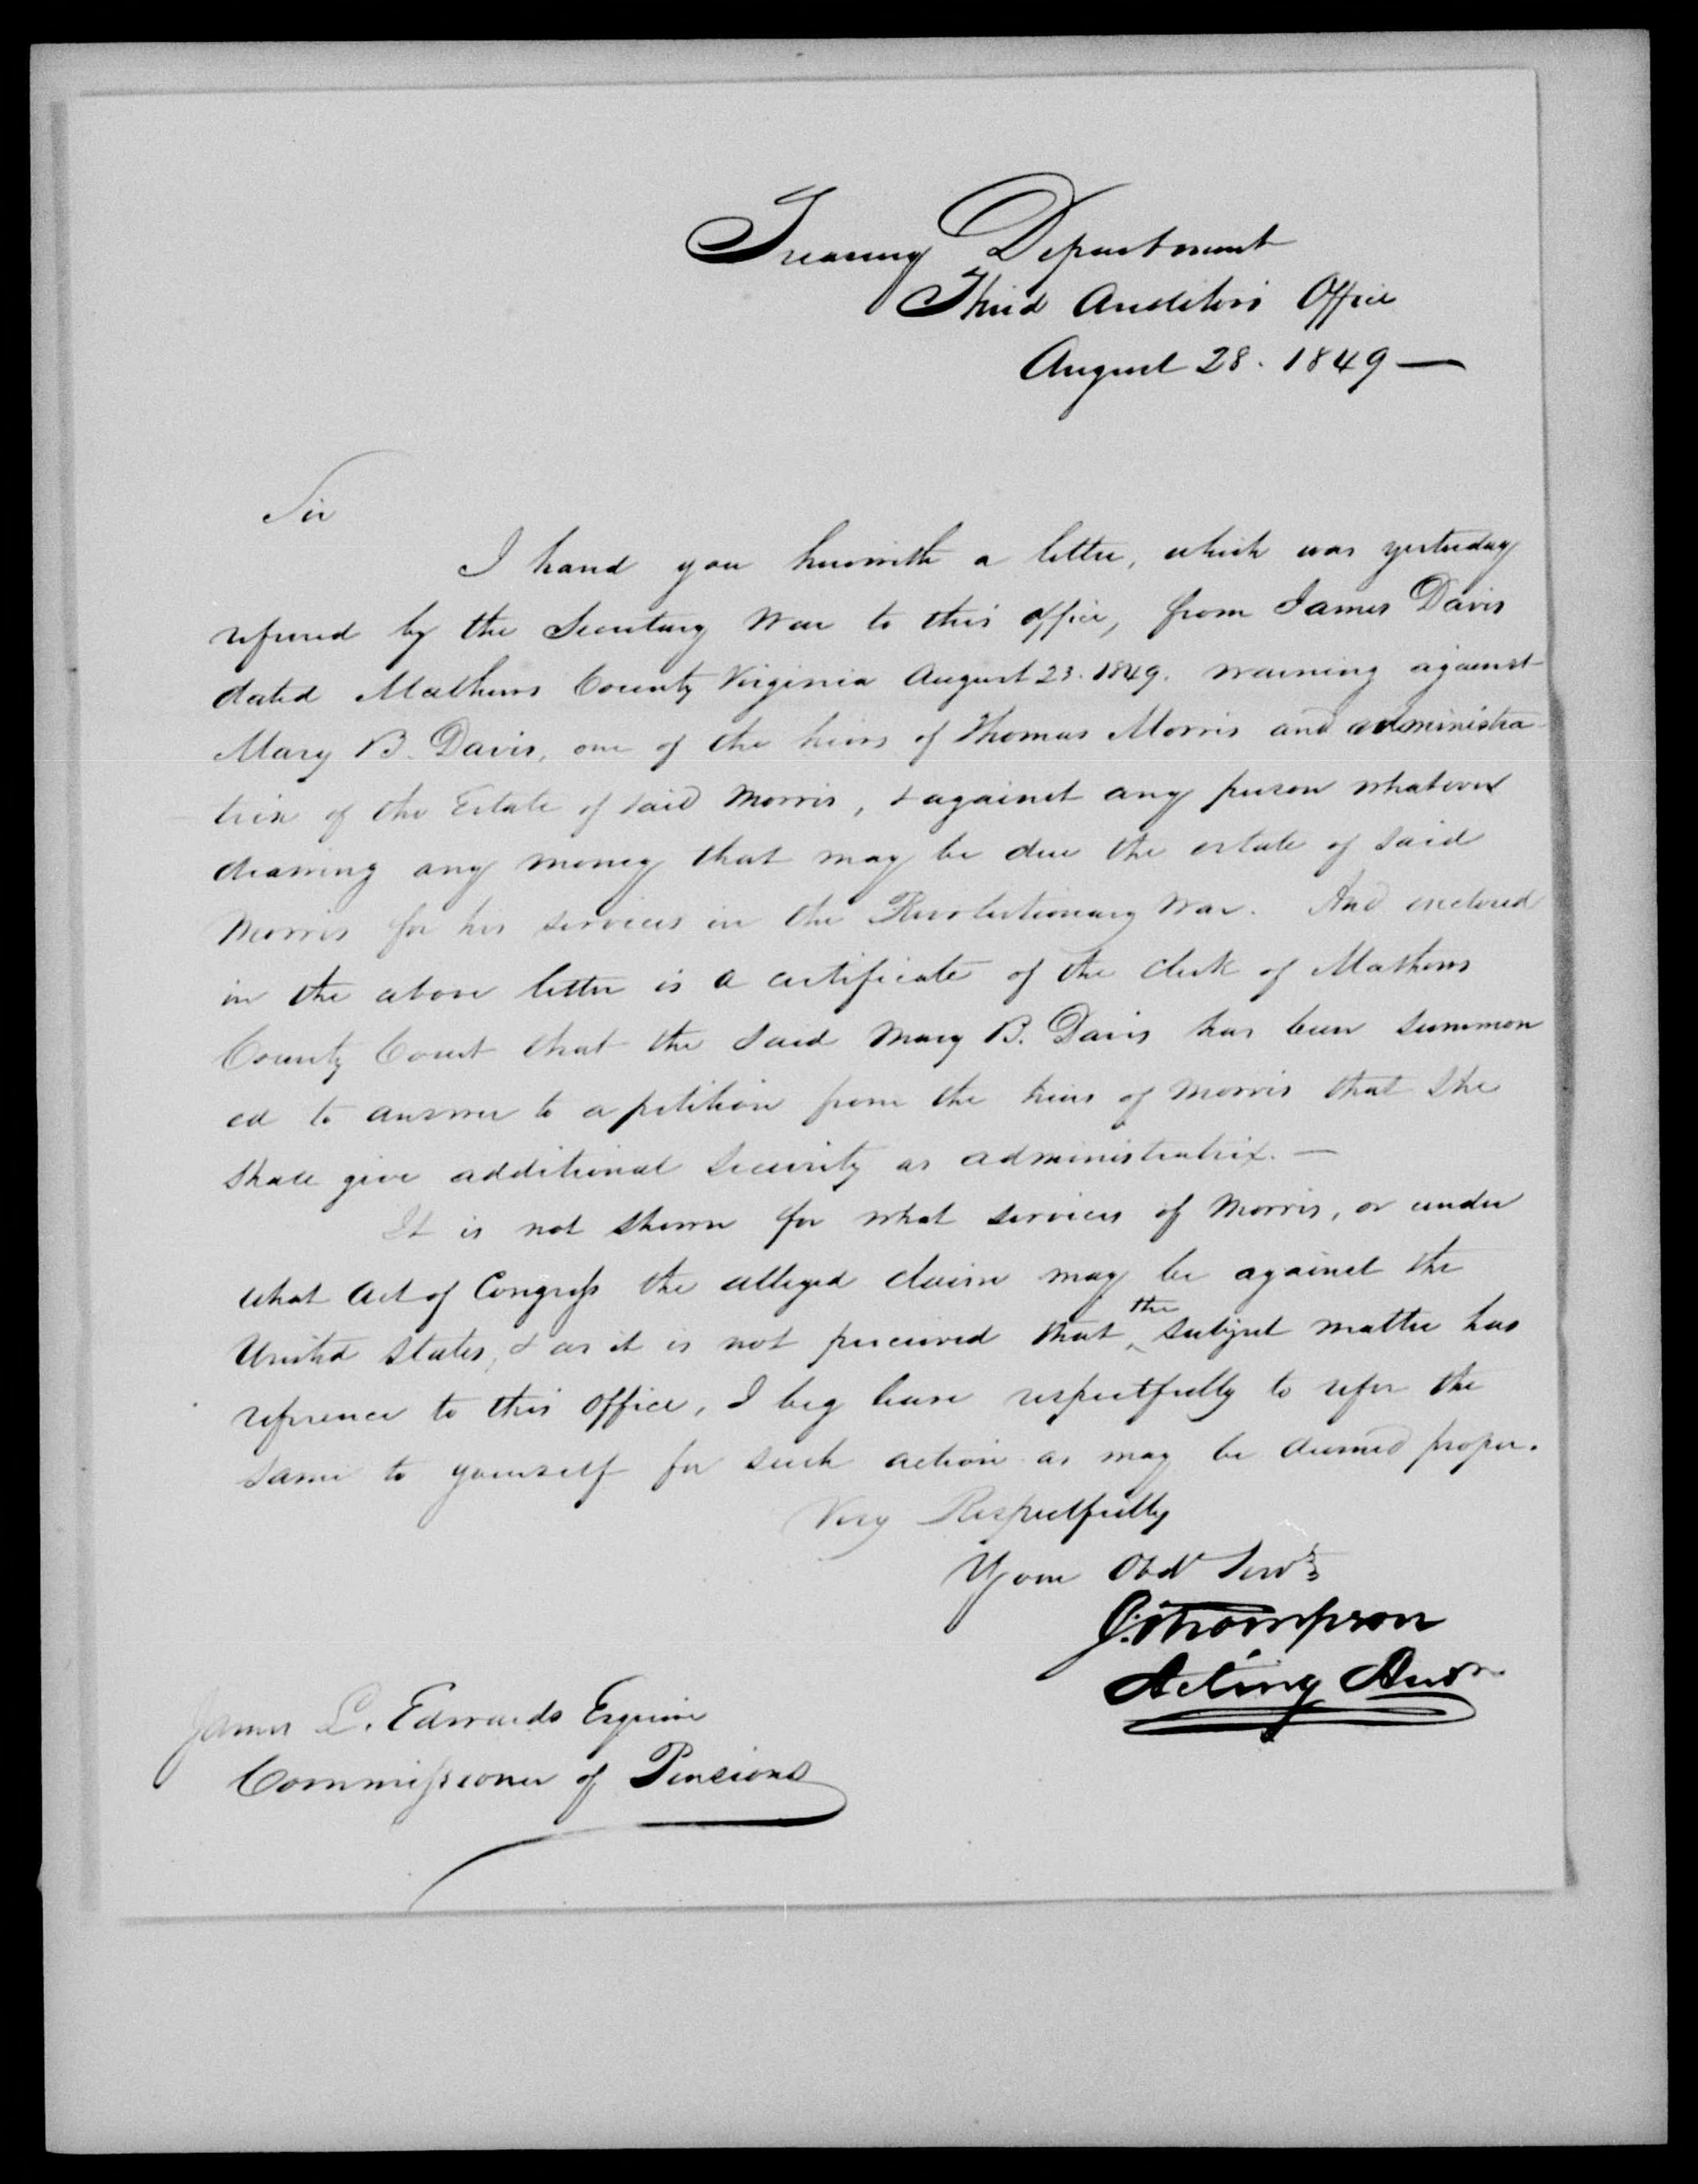Treasury Department
Third Auditors Office
August 28 1849
Sir
I hand you here with a letter, which was yesterday refered by the Secretary War to this office, from James Davis dated Mathews County Virginia August 23 1849, warning against Mary B.  Davis, one of the heirs of Thomas Morris and administration of the Estate of said Morris, & against any person whatever drawing any money that may be due the estate of said Morris for his services in the Revolutionary War. And enclosed in the above letter is a certificate of the clerk of Mathews County Court that the said Mary B. Davis has been summoned to answer to a petition from the heirs of Morris that she shall give additional security as administratrix. It is not shown what services of Morris, or under what Act of Congress the alleged claim may be against the United States & as it is not perceived that the subject matter has reference to this office, I beg leave respectfully to refer the same to yourself for such action as may be deemed proper.
Very Respectfully 
Your Obdt Servt
J. Thompson
Acting Audr
James L. Edwards Esquire
Commissioner of Pensions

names: James L Edwards; James Davis; J Thompson; Mary B Davis; Thomas Morris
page: 30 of 30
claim: rejected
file: R. 16,555, for Thomas Morris, Georgia